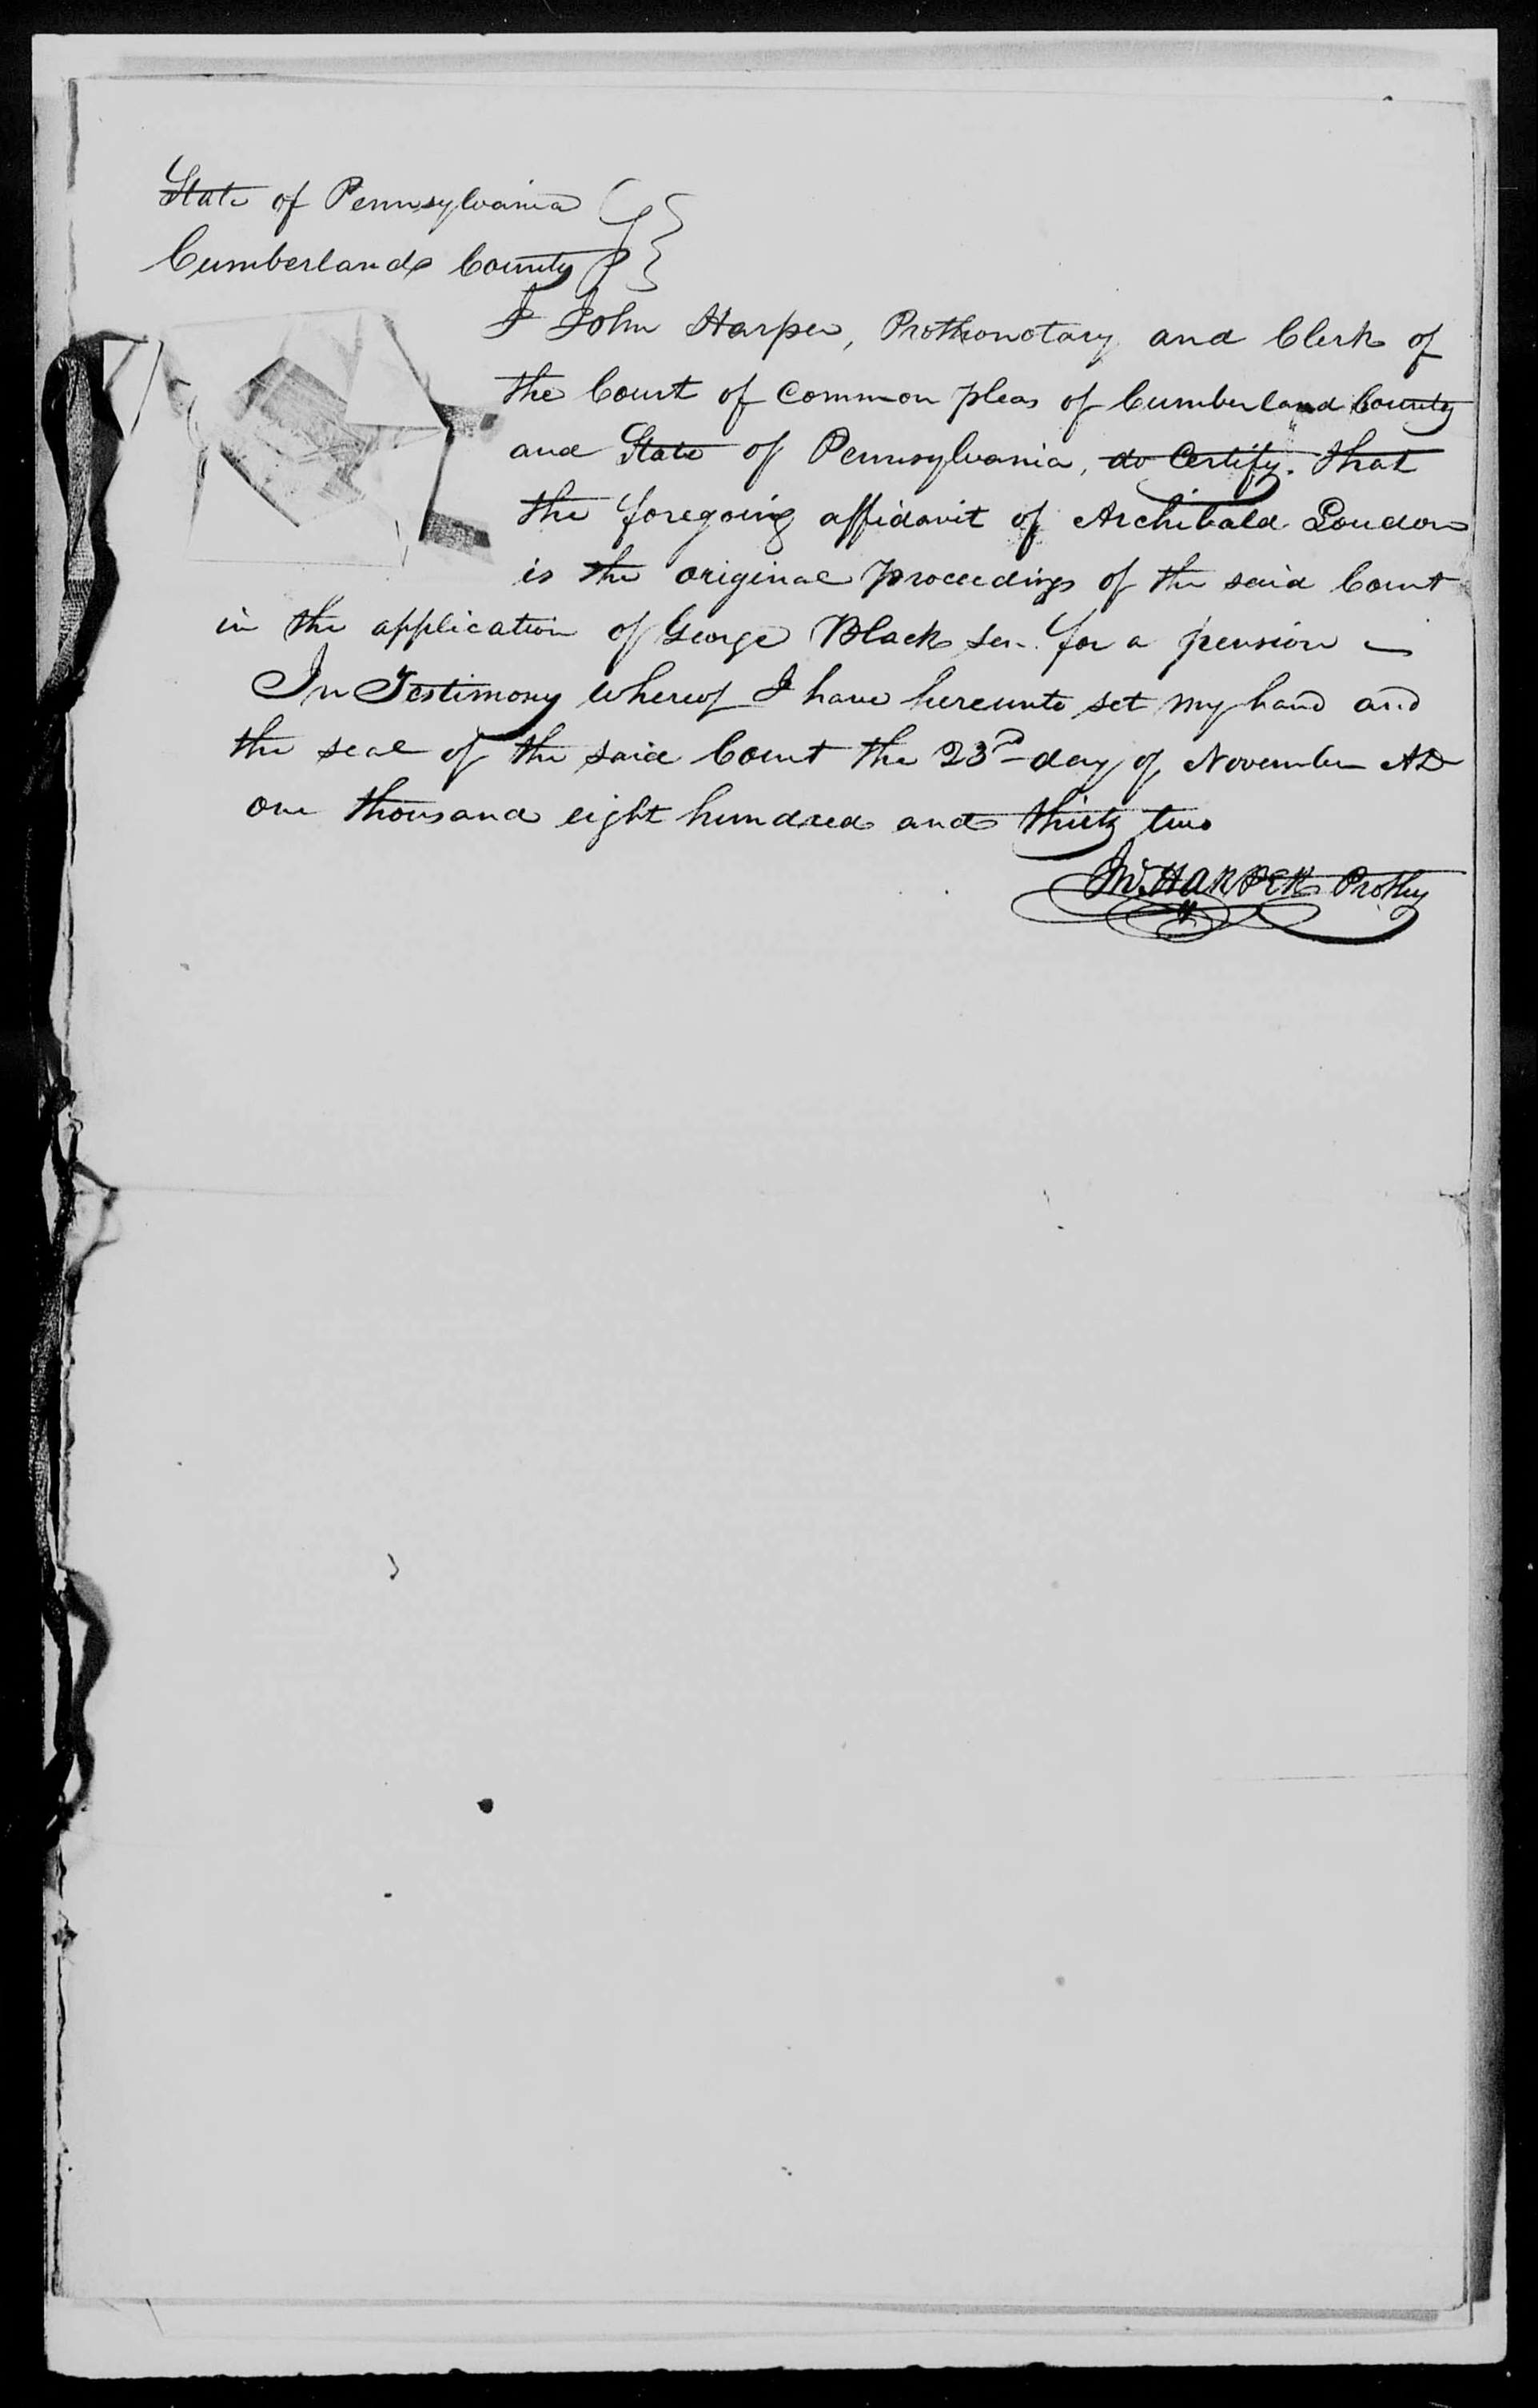State of Pennsylvania
Cumberland County
I 

John Harper, Prothonotary and Clerk of the Court of Common pleas of Cumberland County and State of Pennsylvania, do certify that the foregoing affidavit of Archibald Loudon is the original proceedings of the said Court in the application of George Black Sen for a pension - In Testimony whereof I have hereunto set my hand and the seal of the said Court the 23rd day of November AD one thousand eight hundred and thirty two 
J W Harper Prothy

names: Archibald Lowdon, John Harper, Jno Harper, George Black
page: 13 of 30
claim: widow's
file: W. 3211, George Black, Penn.